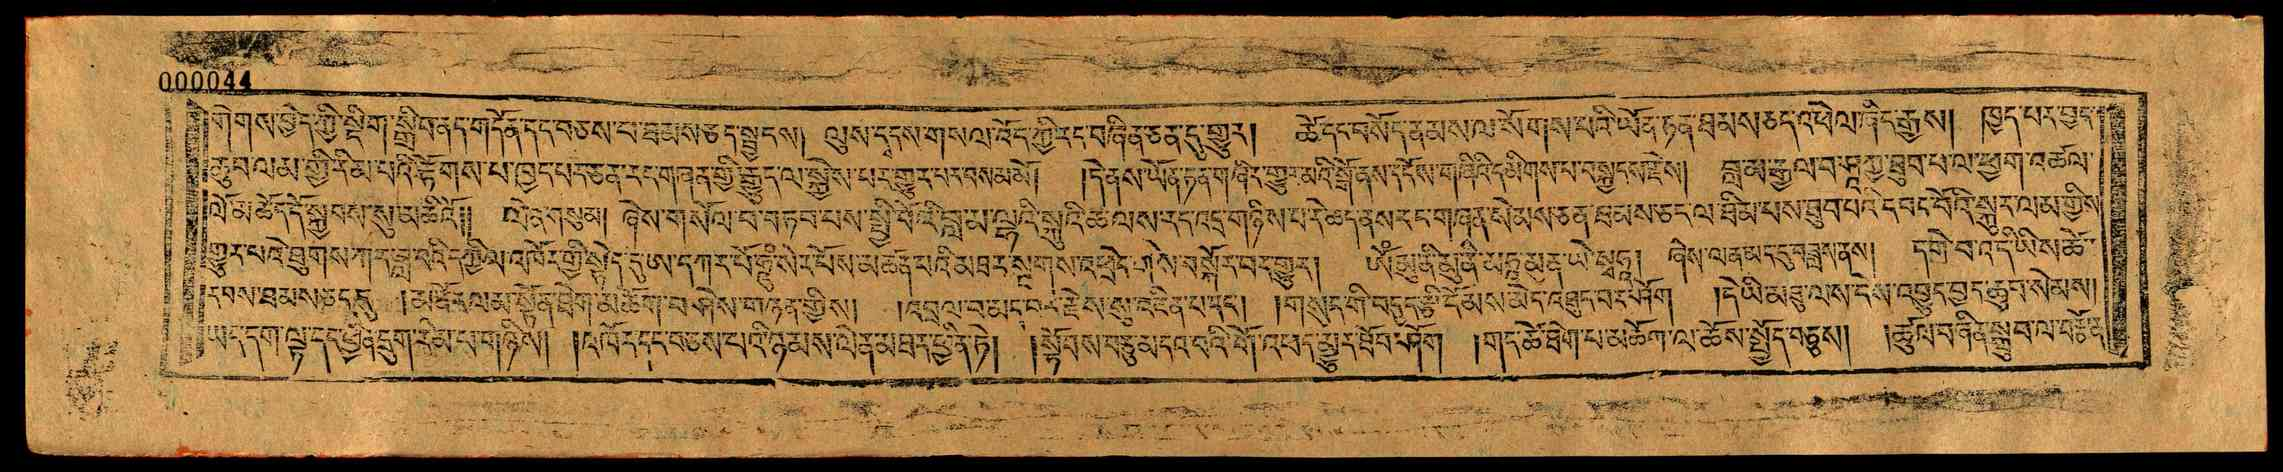གེགས་བྱེད་ཀྱི་སྡིག་སྒྲིབ་ནད་གདོན་དང་བཅས་པ་ཐམས་ཅད་སྦྱངས། ལུས་དྭངས་གསལ་འོད་ཀྱི་རང་བཞིན་ཅན་དུ་གྱུར། ཚེ་དང་བསོད་ནམས་ལ་སོགས་པའི་ཡོན་ཏན་ཐམས་ཅད་འཕེལ་ཞིང་རྒྱས། ཁྱད་པར་བྱང་
ཆུབ་ལམ་གྱི་རིམ་པའི་རྟོགས་པ་ཁྱད་པར་ཅན་རང་གཞན་གྱི་རྒྱུད་ལ་སྐྱེས་པར་གྱུར་པར་བསམ་མོ། །དེ་ནས་ཡོན་ཏན་གཞིར་གྱུར་མའི་སྒོ་ནས་དངོས་གཞིའི་དམིགས་པ་བསྐྱངས་རྗེས། བླ་མ་རྒྱལ་བ་ཤཱཀྱ་ཐུབ་པ་ལ་ཕྱག་འཚལ་
ལོ་མཆོད་དོ་སྐྱབས་སུ་མཆིའོ། ཚར་གསུམ། ཞེས་གསོལ་བ་བཏབ་པས་སྤྱི་བོའི་བླ་མ་ལྷའི་སྐུའི་ཆ་ལས་རང་འདྲ་གཉིས་པར་ཆད་ནས་རང་གཞན་སེམས་ཅན་ཐམས་ཅད་ལ་ཐིམ་པས་ཐུབ་པའི་དབང་པོའི་སྐུར་ལམ་གྱིས་
གྱུར་པའི་ཐུགས་ཀར་ཟླ་བའི་དཀྱིལ་འཁོར་གྱི་སྟེང་དུ་ཨ་དཀར་པོ་ཧཱུཾ་སེར་པོས་མཚན་པའི་མཐར་སྔགས་འཕྲེང་གིས་བསྐོར་བར་གྱུར། ཨོཾ་མུ་ནི་མུ་ནི་མ་ཧཱ་མུ་ན་ཡེ་སྭཱཧཱ། ཞེས་ལན་མང་དུ་བཟླས་ནས། དགེ་བ་འདི་ཡིས་ཚེ་
རབས་ཐམས་ཅད་དུ། །མ་ནོར་ལམ་སྟོན་ཐེག་མཆོག་བཤེས་གཉེན་གྱིས། །འབྲལ་བ་མེད་པར་རྗེས་སུ་འཛིན་པ་དང་། །གསུང་གི་བདུད་རྩི་ངོམས་མེད་འཐུང་བར་ཤོག །དེ་ཡི་མཐུ་ལས་ངེས་འབྱུང་བྱང་ཆུབ་སེམས།
ཡང་དག་ལྟ་དང་ཕྱིན་དྲུག་རིམ་པ་གཉིས། །འཁོར་དང་བཅས་པའི་ཉམས་ལེན་མཐར་ཕྱིན་ཏེ། །སྟོབས་བཅུ་མངའ་བའི་གོ་འཕང་མྱུར་ཐོབ་ཤོག །གང་ཚེ་ཐེག་པ་མཆོག་ལ་ཆོས་སྤྱོད་བཅུས། །ཚུལ་བཞིན་སྒྲུབ་ལ་བརྩོན་